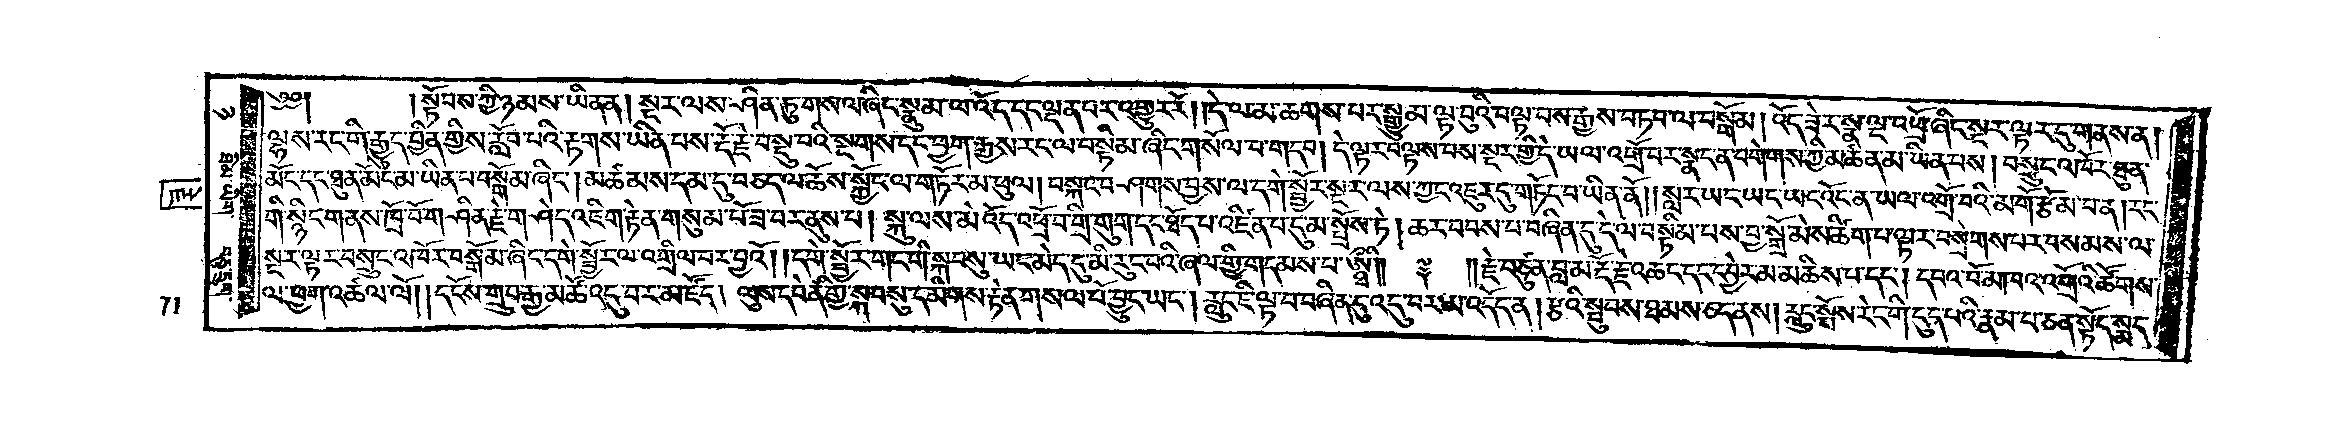༄༅། །སྟོབས་ཀྱི་ཉམས་ཡིན་ན། སྔར་ལས་ཤིན་ཏུ་གསལ་ཞིང་སྣུམ་ལ་འོད་དང་ལྡན་པར་འགྱུར་རོ། །དེ་ལ་མ་ཆགས་པར་སྒྱུ་མ་ལྟ་བུའི་བལྟ་བས་རྒྱས་བཏབ་ལ་བསྒོམ། འོད་ཟེར་སྣ་ལྔ་འཕྲོ་ཞིང་སྔར་ལྟར་དུ་གནས་ན།
ལྷས་རང་གི་རྒྱུད་བྱིན་གྱིས་རློབ་པའི་རྟགས་ཡིན་པས་རྡོ་རྗེ་བསྡུ་བའི་སྔགས་དང་ཕྱག་རྒྱས་རང་ལ་བསྟིམ་ཞིང་གསོལ་བ་གདབ། དེ་ལྟར་བལྟས་པས་སྔར་གྱི་དེ་ཡལ་འགྲོ་བར་སྣང་ན་བགེགས་ཀྱི་མཚན་མ་ཡིན་པས། བསྲུང་འཁོར་ཐུན་
མོང་དང་ཐུན་མོང་མ་ཡིན་པ་བསྒོམ་ཞིང་། མཚམས་དམ་དུ་བཅད་ལ་ཆོས་སྐྱོང་ལ་གཏོར་མ་ཕུལ། བསྐང་བཤགས་བྱས་ལ་དགེ་སྦྱོར་སྔར་ལས་ཀྱང་འཇུར་དུ་གཏོང་བ་ཡིན་ནོ། །སླར་ཡང་ཡང་ཡང་འོང་ན་ཡལ་འགྲོ་བའི་མགོ་རྩོམ་པ་ན། རང་
གི་སྙིང་ག་ནས་ཁྲོ་བོ་གཤིན་རྗེ་གཤེད་འཇིག་རྟེན་གསུམ་པོ་ཟ་བར་ནུས་པ། སྐུ་ལས་མེ་འོད་འཕྲོ་བ་གྲི་གུག་དང་ཐོད་པ་འཛིན་པ་དུ་མ་སྤྲོས་ཏེ། ཆར་བབས་པ་བཞིན་དུ་དེ་ལ་བསྟིམ་པས་བྱ་སྒྲོ་མེས་ཚིག་པ་ལྟར་བསྲེགས་པར་བསམས་ལ་
སྔར་ལྟར་བསྲུང་འཁོར་བསྒོམ་ཞིང་དགེ་སྦྱོར་ལ་འགྲིལ་བར་བྱའོ། །དགེ་སྦྱོར་གང་གི་སྐབས་སུ་ཡང་མེད་དུ་མི་རུང་བའི་ཞལ་གྱི་གདམས་པ་ཨིཊཿཨི།། ༈ །།རྗེ་བཙུན་བླ་མ་རྡོ་རྗེ་འཆང་དང་དབྱེར་མ་མཆིས་པ་དང་། དཔའ་བོ་མཁའ་འགྲོའི་ཚོགས་
ལ་ཕྱག་འཚལ་ལོ། །དངོས་གྲུབ་རྒྱ་མཚོ་འདུ་བར་མཛོད། ལུས་དབེན་གྱི་སྐབས་སུ་དམིགས་རྟེན་གསལ་པོ་བྱུང་ཡང་། རླུང་ཇི་ལྟ་བ་བཞིན་དུ་འདུ་བར་མ་འདོད་ན། རྩའི་སྦུབས་ཐམས་ཅད་ནས། རླུང་སྤོས་རེང་གི་དུད་པའི་རྣམ་པ་ཅན་སྟོད་སྨད་